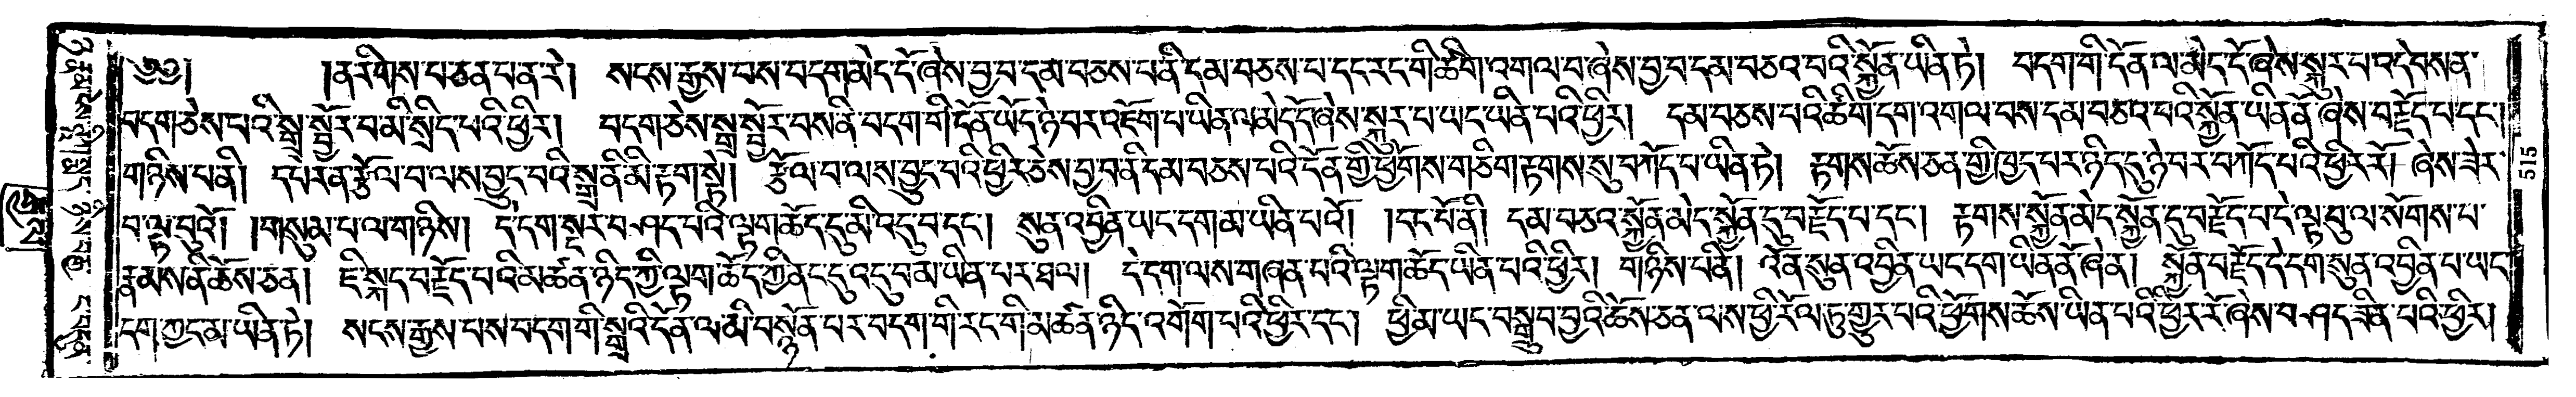༄༅། །ན་རིགས་པ་ཅན་པ་ན་རེ། སངས་རྒྱས་བས་བདག་མེད་དོ་ཞེས་བྱ་བ་དམ་བཅས་པ་ནི་དམ་བཅས་པ་དང་རང་གི་ཚིག་འགལ་བ་ཞེས་བྱ་བ་དམ་བཅའ་བའི་སྐྱོན་ཡིན་ཏེ། བདག་གི་དོན་ལ་མེད་དོ་ཞེས་སྐུར་པ་འདེབས་ན་
བདག་ཅེས་པའི་སྒྲ་སྦྱོར་བ་མི་སྲིད་པའི་ཕྱིར། བདག་ཅེས་སྒྲ་སྦྱོར་བས་ནི་བདག་གི་དོན་ཡོད་ཉེ་བར་འཇོག་པ་ཡིན་ལ་མེད་དོ་ཞེས་སྐུར་པ་ཡང་ཡིན་པའི་ཕྱིར། དམ་བཅས་པའི་ཚིག་དག་འགལ་བས་དམ་བཅའ་བའི་སྐྱོན་ཡིན་ནོ་ཞེས་བརྗོད་པ་དང་།
གཉིས་པ་ནི། དཔེར་ན་རྩོལ་བ་ལས་བྱུང་བའི་སྒྲ་ནི་མི་རྟག་སྟེ། རྩོལ་བ་ལས་བྱུང་བའི་ཕྱིར་ཅེས་བྱ་བ་ནི་དམ་བཅས་པའི་དོན་གྱི་ཕྱོགས་གཅིག་རྟགས་སུ་བཀོད་པ་ཡིན་ཏེ། རྟགས་ཆོས་ཅན་གྱི་ཁྱད་པར་ཉིད་དུ་ཉེ་བར་བཀོད་པའི་ཕྱིར་རོ། ཞེས་ཟེར་
བ་ལྟ་བུའོ། །གསུམ་པ་ལ་གཉིས། དེ་དག་སྔར་བཤད་པའི་ལྟག་ཆོད་དུ་མི་འདུ་བ་དང་། སུན་འབྱིན་ཡང་དག་མ་ཡིན་པའོ། །དང་པོ་ནི། དམ་བཅའ་སྐྱོན་མེད་སྐྱོན་དུ་བརྗོད་པ་དང་། རྟགས་སྐྱོན་མེད་སྐྱོན་དུ་བརྗོད་པ་དེ་ལྟ་བུ་ལ་སོགས་པ་
རྣམས་ནི་ཆོས་ཅན། ཇི་སྐད་བརྗོད་པའི་མཚན་ཉིད་ཀྱི་ལྟག་ཆོད་ཀྱི་ནང་དུ་འདུ་བམ་ཡིན་པར་ཐལ། དེ་དག་ལས་གཞན་པའི་ལྟག་ཆོད་ཡིན་པའི་ཕྱིར། གཉིས་པ་ནི། འོ་ན་སུན་འབྱིན་ཡང་དག་ཡིན་ནོ་ཞེ་ན། སྐྱོན་བརྗོད་དེ་དག་སུན་འབྱིན་པ་ཡང་
དག་ཀྱང་མ་ཡིན་ཏེ། སངས་རྒྱས་པས་བདག་གི་སྒྲའི་དོན་ལ་མི་བསྙོན་པར་བདག་གི་རང་གི་མཚན་ཉིད་འགོག་པའི་ཕྱིར་དང་། ཕྱི་མ་ཡང་བསྒྲུབ་བྱའི་ཆོས་ཅན་ལས་ཕྱི་རོལ་ཏུ་གྱུར་པའི་ཕྱོགས་ཆོས་ཡིན་པའི་ཕྱིར་རོ་ཞེས་བཤད་ཟིན་པའི་ཕྱིར།